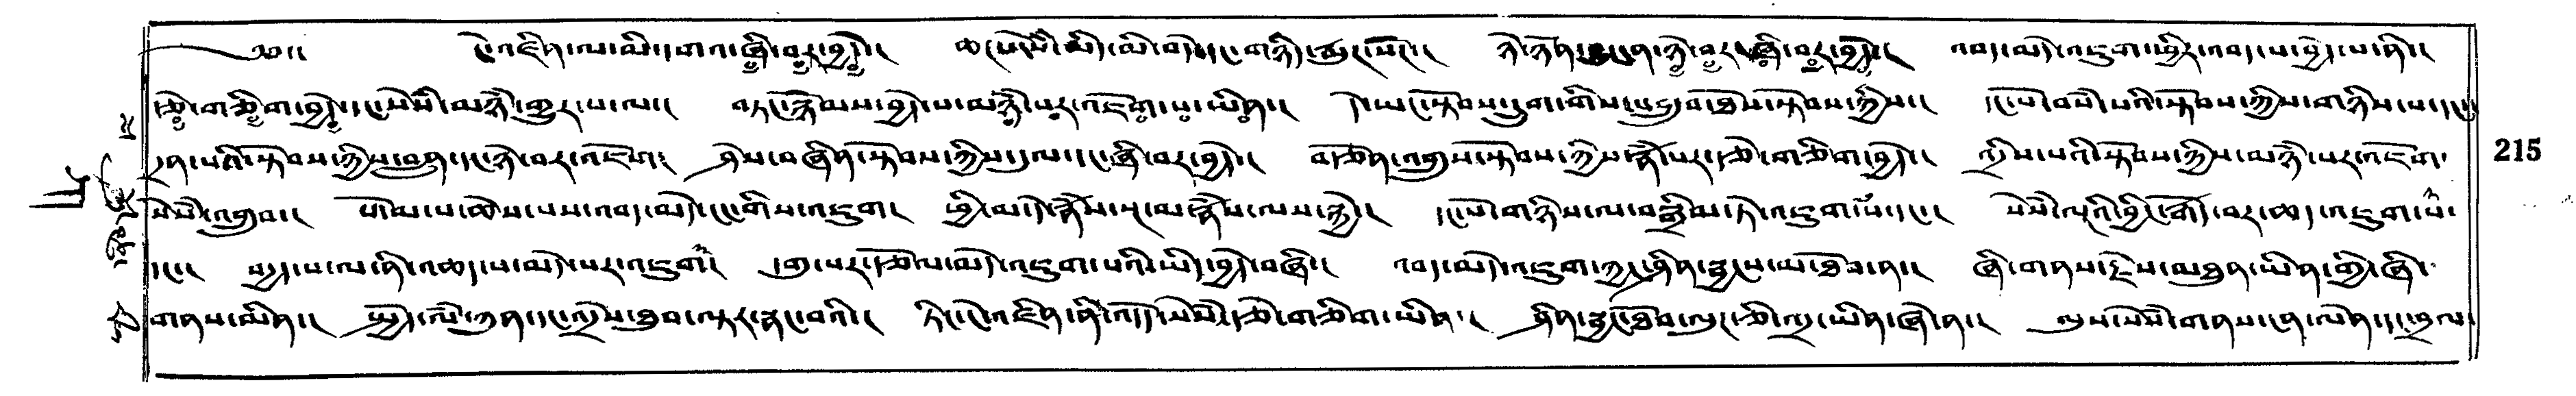ངེ་འཛིན་ལ་མི་དགའ་ཞི་བར་བྱེད། །ཆགས་སེམས་ཡིད་མི་བདེ་དང་གཉིད་རྨུགས་སོགས། །ཉེ་ཉོན་བྱུང་ན་ཉེ་བར་ཞི་བར་བྱེད། །འབད་མེད་འཇུག་ཕྱིར་འབད་པ་བྱེད་པ་ནི། །
རྩེ་གཅིག་བྱེད་དང་སེམས་མཉམ་གྱུར་པ་ལ། །བཏང་སྙོམས་བྱེད་པ་མཉམ་པར་འཇོག་པ་ཡིན། །དེ་ཡང་སྟོབས་དྲུག་གིས་འགྲུབ་ཐོས་སྟོབས་ཀྱིས། །དང་པོ་བསམ་པའི་སྟོབས་ཀྱིས་གཉིས་པ་དང་། །
དྲན་པའི་སྟོབས་ཀྱིས་བླན་དང་ཉེ་བར་འཇོག །ཤེས་བཞིན་སྟོབས་ཀྱིས་དུལ་དང་ཞི་བར་བྱེད། །བརྩོན་འགྲུས་སྟོབས་ཀྱིས་རྣམ་པར་རྩེ་གཅིག་བྱེད། །འདྲིས་པའི་སྟོབས་ཀྱིས་མཉམ་པར་འཇོག་
སེམས་འགྲུབ། །གོམས་པ་ཆེ་བས་འབད་མེད་ངང་གིས་འཇུག །ཕྱི་མ་དེ་རྣམས་སྔ་མ་རྣམས་ལས་སྐྱེ། །དང་པོ་གཉིས་ལ་བསྒྲིམ་ཏེ་འཇུག་པ་དང་། །སེམས་ལྔའི་བྱིང་རྒོད་བར་ཆད་འཇུག་པ་
དང་། །བརྒྱད་པ་ལ་ནི་འཆད་པ་མེད་པར་འཇུག །དགུ་པར་རྩོལ་མེད་འཇུག་པའི་ཡིད་བྱེད་བཞི། །འབད་མེད་འཇུག་ཀྱང་ཤིན་སྦྱངས་མ་ཐོབ་ན། །ཞི་གནས་རྗེས་མཐུན་ཡིན་གྱི་ཞི་
གནས་མིན། །སྤྱོད་ལམ་ཀུན་དང་འདྲེས་ཐུབ་ལྟར་སྣང་བའི། །ཏིང་ངེ་འཛིན་ནི་འདོད་སེམས་རྩེ་གཅིག་ཡིན། །ཤིན་སྦྱངས་ཐོབ་ལུགས་ཅི་འདྲ་ཡིན་ཞེ་ན། །ལུས་སཻམས་གནས་ངན་ལེན་དང་བྲལ་